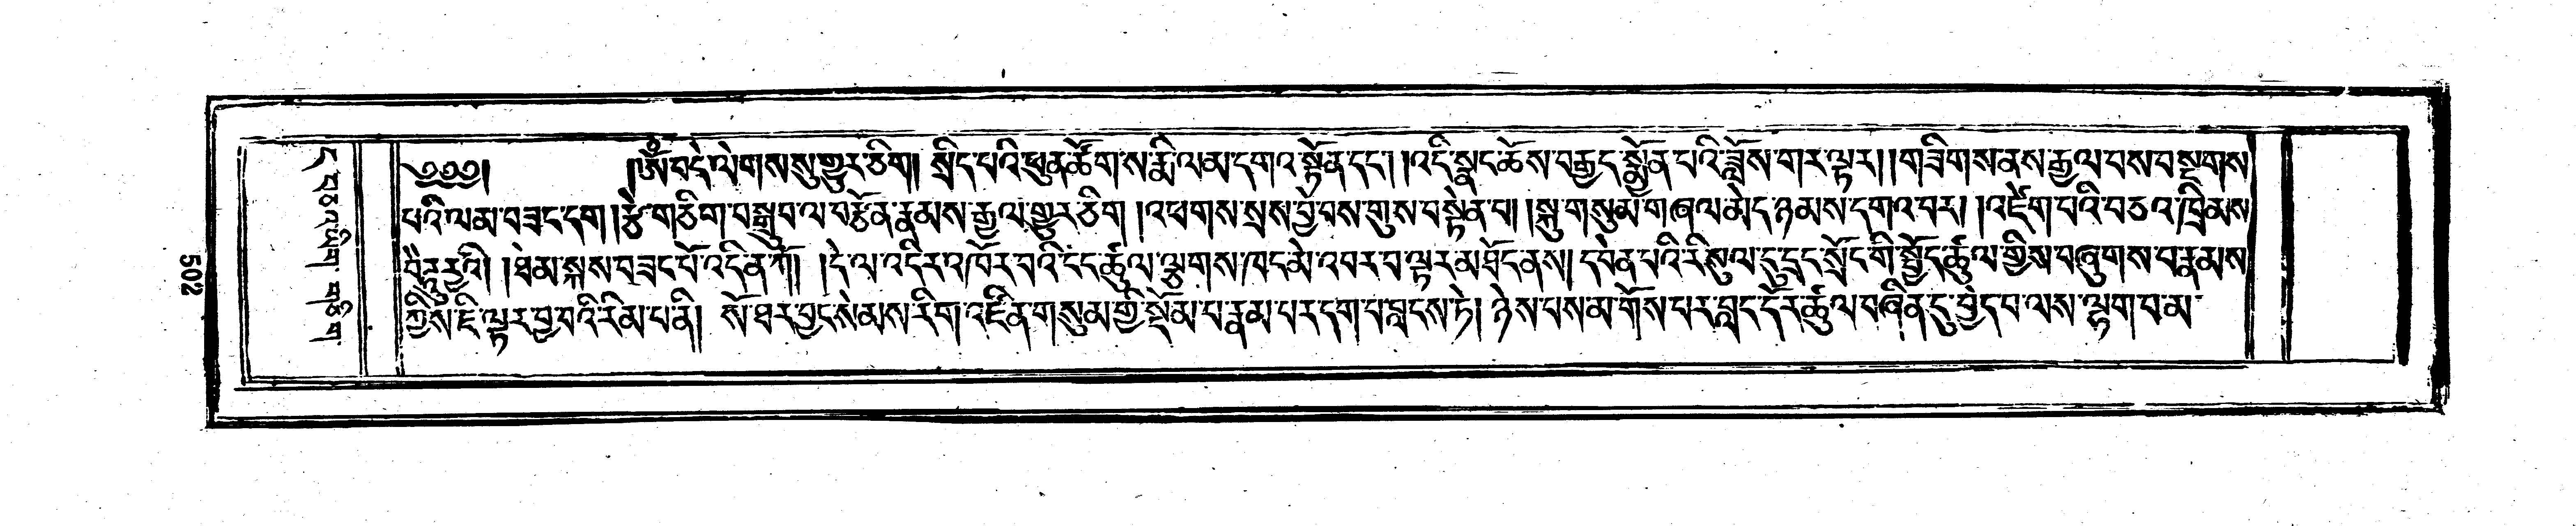༄༅༅། །ཨོཾ་བདེ་ལེགས་སུ་གྱུར་ཅིག །སྲིད་པའི་ཕུན་ཚོགས་རྨི་ལམ་དགའ་སྟོན་དང་། །འདི་སྣང་ཆོས་བརྒྱད་སྨྱོན་པའི་ཟློས་གར་ལྟར། །གཟིགས་ནས་རྒྱལ་བས་བསྔགས་
པའི་ལམ་བཟང་དག །རྩེ་གཅིག་བསྒྲུབ་ལ་བརྩོན་རྣམས་རྒྱལ་གྱུར་ཅིག །འཕགས་སྲས་བྱེ་བས་གུས་བསྟེན་པ། །སྐུ་གསུམ་གཞལ་མེད་ཉམས་དགའ་བར། །འཛེག་པའི་བཅའ་ཁྲིམས་
བཻཌཱུརྱའི། །ཐེམ་སྐས་བཟང་པོ་འདི་ན་ཀོ། །དེ་ལ་འདིར་འཁོར་བའི་ངང་ཚུལ་ལྕགས་ཁང་མེ་འབར་བ་ལྟར་མཐོང་ནས། དབེན་པའི་རི་སུལ་དུ་དྲང་སྲོང་གི་སྤྱོད་ཚུལ་གྱིས་བཞུགས་པ་རྣམས་
ཀྱིས་ཇི་ལྟར་བྱ་བའི་རིམ་པ་ནི། སོ་ཐར་བྱང་སེམས་རིག་འཛིན་གསུམ་གྱི་སྡོམ་པ་རྣམ་པར་དག་པ་བླངས་ཏེ། ཉེས་པས་མ་གོས་པར་བླང་དོར་ཚུལ་བཞིན་དུ་བྱེད་པ་ལས་ལྷག་པ་མ་